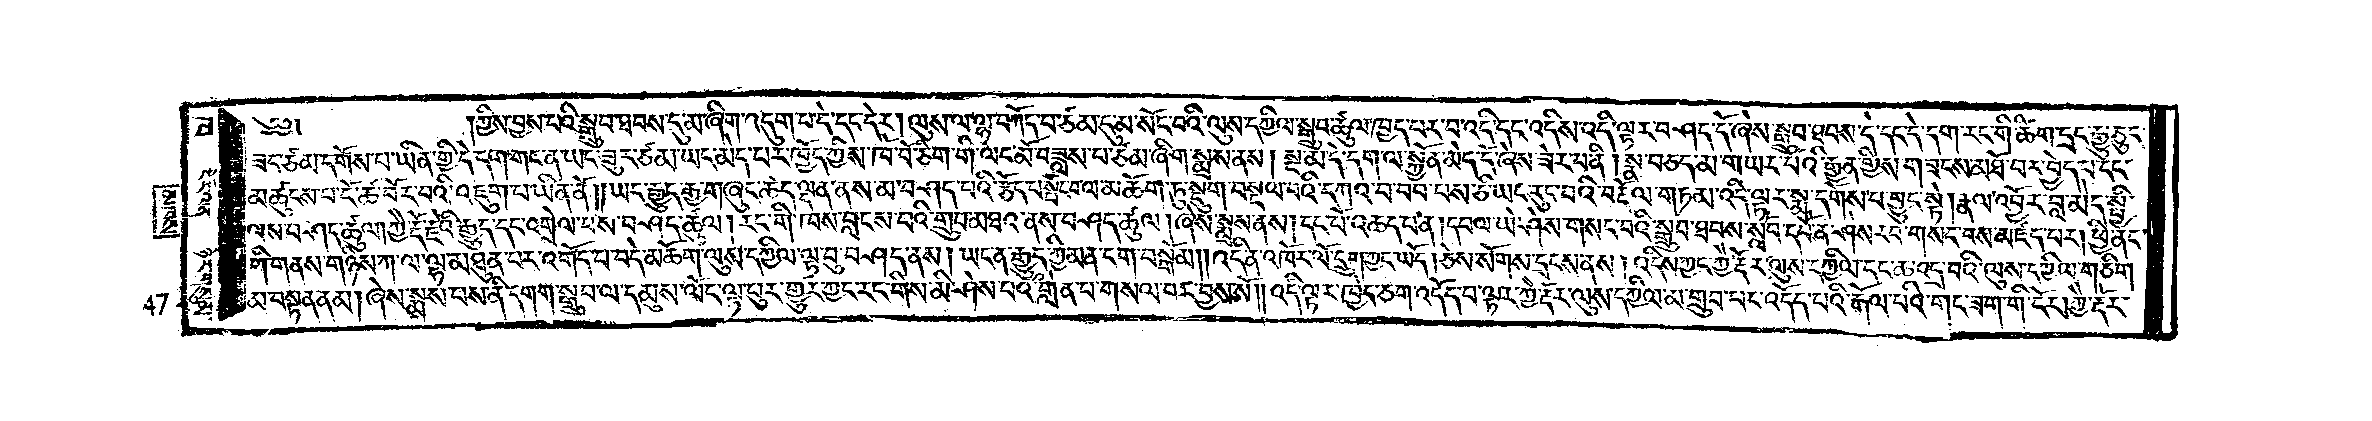༄༅། །ཀྱིས་བྱས་པའི་སྒྲུབ་ཐབས་དུ་མ་ཞིག་འདུག་པ་དེ་དང་དེར། ལུས་ལ་ལྷ་བཀོད་པ་ཙམ་དུ་མ་སོང་བའི་ལུས་དཀྱིལ་སྒྲུབ་ཚུལ་ཁྱད་པར་བ་འདི་དང་འདི་ལྟར་བཤད་དོ་ཞེས་སྒྲུབ་ཐབས་དེ་དང་དེ་དག་རང་གི་ཚིག་དྲང་རྒྱུ་ཅུང་
ཟད་ཙམ་དགོས་པ་ཡིན་གྱི་དེ་དག་གང་ན་ཡང་ཟུར་ཙམ་ཡང་མེད་པར་ཁྱོད་ཀྱིས་ཁོ་བོ་ཅིག་གི་ལང་མོ་བཟླས་པ་ཙམ་ཞིག་སྨྲས་ནས། སྔ་མ་དེ་དག་ལ་སྐྱོན་མེད་དོ་ཞེས་ཟེར་པ་ནི། སྣ་བཅད་མ་གཡར་པའི་རྒྱན་གྱིས་གཟངས་མཐོ་བར་བྱེད་པ་དང་
མཚུངས་པ་ངོ་ཚ་བོར་བའི་འཇུག་པ་ཡིན་ནོ། །ཡང་རྒྱུད་རྒྱ་གཞུང་ཚད་ལྡན་ནས་མ་བཤད་པའི་རྩོད་པ་སྤོང་བ་ལ་མཆོག་ཏུ་སྡུག་བསྔལ་བའི་དཀའ་བ་བབ་པས་ཅི་ཡང་རུང་བའི་བརྡོལ་གཏམ་འདི་ལྟར་སྨྲ་དགོས་པ་བྱུང་སྟེ། རྣལ་འབྱོར་བླ་མེད་སྤྱི་
ལས་བཤད་ཚུལ། ཀྱཻ་རྡོ་རྗེའི་རྒྱུད་དང་འགྲེལ་པས་བཤད་ཚུལ། རང་གི་ཁས་བླངས་པའི་གྲུབ་མཐའ་ནས་བཤད་ཚུལ། ཞེས་སྨྲས་ནས། དང་པོ་འཆད་པ་ན། དཔལ་ཡེ་ཤེས་གསང་བའི་སྒྲུབ་ཐབས་སློབ་དཔོན་ཤེས་རབ་གསང་བས་མཛད་པར། ཕྱི་ནང་
གི་གནས་གཉིས་ཀ་ལ་ལྷ་མཐུན་པར་འགོད་པ་བདེ་མཆོག་ལུས་དཀྱིལ་ལྟ་བུ་བཤད་ནས། ཡང་ན་རྒྱུད་ཀྱི་མན་ངག་བསྒོམ། །འདི་ན་འཁོར་ལོ་དྲུག་ཀྱང་ཡོད། ཅེས་སོགས་དྲངས་ནས། འདིས་ཀྱང་ཀྱཻ་རྡོར་ལུས་དཀྱིལ་དང་ཆ་འདྲ་བའི་ལུས་དཀྱིལ་གཅིག་
མ་བསྟན་ནམ། ཞེས་སྨྲས་པས་ནི་དགག་སྒྲུབ་ལ་དམུས་ལོང་ལྟ་བུར་གྱུར་ཀྱང་རང་གིས་མི་ཤེས་པའི་གླེན་པ་གསལ་བར་བྱས་སོ། །འདི་ལྟར་ཁྱེད་ཅག་འདོད་པ་ལྟར་ཀྱཻ་རྡོར་ལུས་དཀྱིལ་མ་གྲུབ་པར་འདོད་པའི་རྒོལ་པའི་གང་ཟག་གི་ངོར། ཀྱཻ་རྡོར་